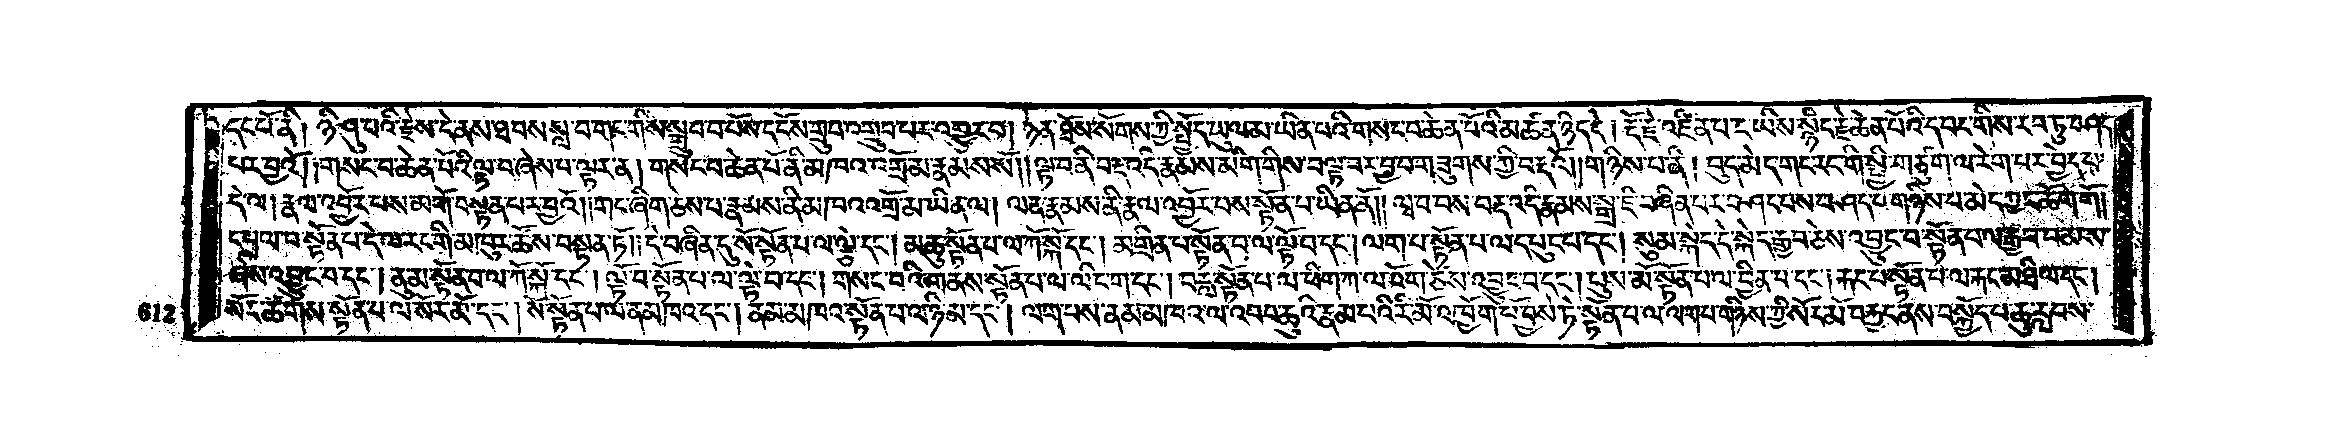དང་པོ་ནི། ཉི་ཤུ་པའི་རྗེས་དེ་ནས་ཐབས་སླ་བ་གང་གིས་སྒྲུབ་བ་པོས་དངོས་གྲུབ་འགྲུབ་པར་འགྱུར་བ། ཉན་ཐོས་སོགས་ཀྱི་སྤྱོད་ཡུལ་མ་ཡིན་པའི་གསང་བ་ཆེན་པོའི་མཚན་ཉིད་དེ། རྡོ་རྗེ་འཛིན་པ་ང་ཡིས་སྙིང་རྗེ་ཆེན་པོའི་དབང་གིས་རབ་ཏུ་བཤད་
པར་བྱའོ། །གསང་བ་ཆེན་པོའི་ལྟ་བ་ཞེས་པ་ལྟར་ན། གསང་བ་ཆེན་པོ་ནི་མཁའ་འགྲོ་མ་རྣམས་སོ། །ལྟ་བ་ནི་བརྡ་འདི་རྣམས་མིག་གིས་བལྟ་བར་བྱ་བ་གཟུགས་ཀྱི་བརྡའོ། །གཉིས་པ་ནི། བུད་མེད་གང་རང་གི་སྤྱི་གཙུག་ལ་རེག་པར་བྱེད་པ་
དེ་ལ། རྣལ་འབྱོར་པས་མགོ་བསྟན་པར་བྱའོ། །གང་ཞིག་ཅེས་པ་རྣམས་ནི་མཁའ་འགྲོ་མ་ཡིན་ལ། ལན་རྣམས་ནི་རྣལ་འབྱོར་པས་སྟོན་པ་ཡིན་ནོ། །ལྭ་བ་བས་བརྡ་འདི་རྣམས་སྒྲ་ཇི་བཞིན་པར་བཤད་པས་བཤད་པ་གཉིས་པ་མེད་ཀྱང་ཆོག་གོ །
དཔྲལ་བ་སྟོན་པ་དེ་ལ་རང་གི་མཁུར་ཚོས་བསྟན་ཏོ། །དེ་བཞིན་དུ་སོ་སྟོན་པ་ལ་ལྕེ་དང་། མཆུ་སྟོན་པ་ལ་ཀ་སྐོ་དང་། མགྲོན་པ་སྟོན་པ་ལ་ལྟོ་བ་དང་། ལག་པ་སྟོན་པ་ལ་དཔུང་པ་དང་། སུམ་སྐེད་དེ་སྐེད་རྒྱབ་ཅེས་འབྱུང་བ་སྟོན་པ་ལ་རྒྱབ་བམ་ས་
ཞེས་འབྱུང་བ་དང་། ནུ་མ་སྟོན་བ་ལ་ཀོ་སྐོ་དང་། ལྟོ་བ་སྟོན་པ་ལ་ལྟེ་བ་དང་། གསང་བའི་གནས་སྟོན་པ་ལ་ལིང་ག་དང་། བརླ་སྟོན་པ་ལ་ཕིག་ཀ་ལ་འོག་ཅེས་འབྱུང་བ་དང་། པུས་མོ་སྟོན་པ་ལ་བྱིན་པ་དང་། རྐང་པ་སྟོན་པ་ལ་རྐང་མཐིལ་དང་།
སོར་ཚོགས་སྟོན་པ་ལ་སོར་མོ་དང་། ས་སྟོན་པ་ལ་ནམ་མཁའ་དང་། ནམ་མཁའ་སྟོན་པ་ལ་ཉི་མ་དང་། ལག་པས་ནམ་མཁའ་ལ་འབབ་ཆུའི་རྣམ་པའི་རི་མོ་འཁྱོག་པོ་བྱས་ཏེ་སྟོན་པ་ལ་ལག་པ་གཉིས་ཀྱི་སོར་མོ་བརྐྱང་ནས་བསྐྱོད་པ་ཆུ་རླབས་